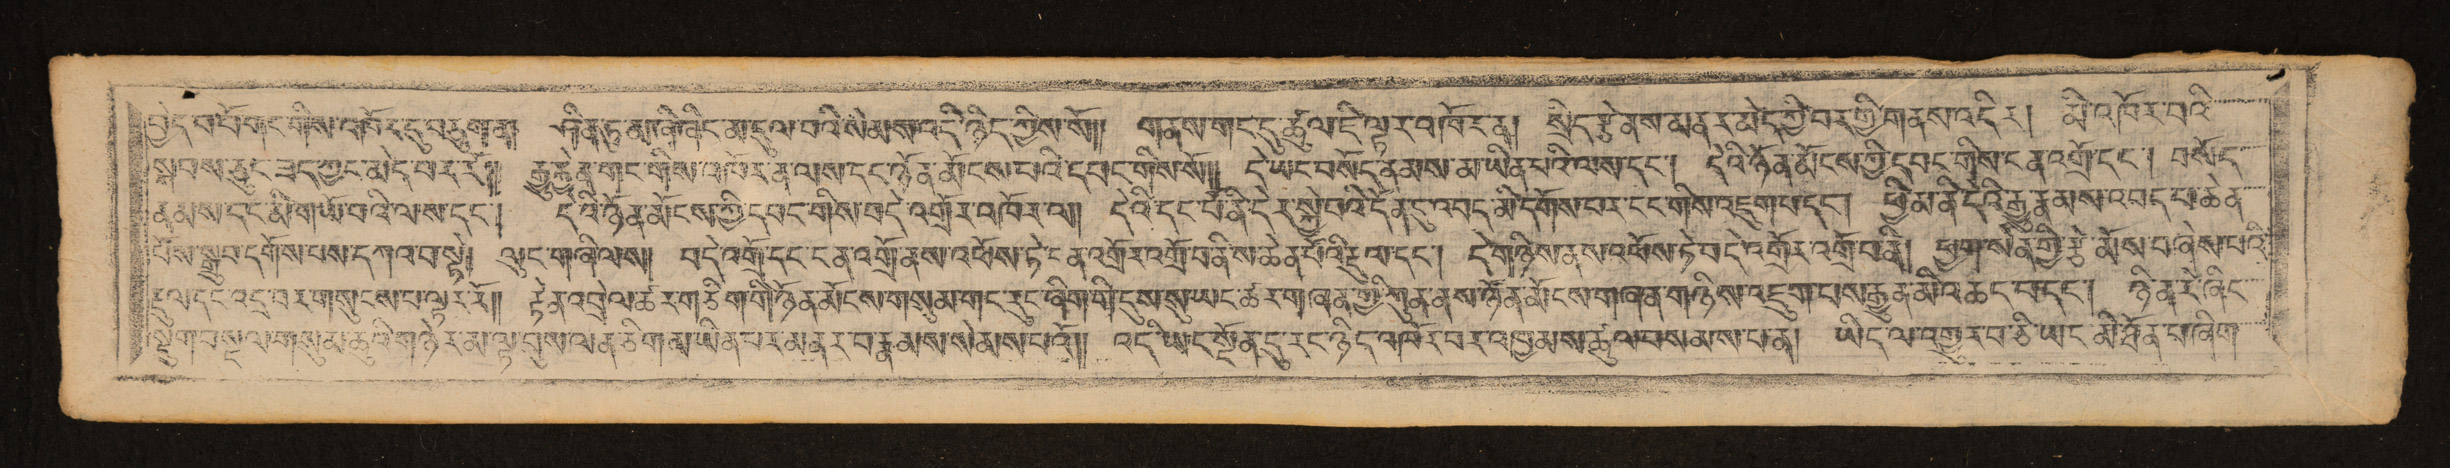བྱེད་པ་བོ་གང་གིས་འཁོར་དུ་བཅུག་ན། ཤིན་ཏུ་མ་ཞི་ཞིང་མ་དུལ་བའི་སེམས་འདི་ཉིད་ཀྱིས་སོ།། གནས་གང་དུ་ཚུལ་ཇི་ལྟར་འཁོར་ན། སྲིད་རྩེ་ནས་མནར་མེད་ཀྱི་བར་གྱི་གནས་འདིར། མི་འཁོར་བའི་
སྐབས་ཅུང་ཟད་ཀྱང་མེད་པར་རོ།། རྒྱུ་རྐྱེན་གང་གིས་འཁོར་ན་ལས་དང་ཉོན་མོངས་པའི་དབང་གིས་སོ།། དེ་ཡང་བསོད་ནམས་མ་ཡིན་པའི་ལས་དང་། དེའི་ཉོན་མོངས་ཀྱི་དབང་གིས་ངན་འགྲོ་དང་། བསོད་
ནམས་དང་མི་གཡོ་བའི་ལས་དང་། དེའི་ཉོན་མོངས་ཀྱི་དབང་གིས་བདེ་འགྲོར་འཁོར་ལ། དེའི་དང་པོ་ནི་དེར་སྐྱེ་བའི་དོན་དུ་འབད་མི་དགོས་པར་ངང་གིས་འཇུག་པ་དང་། ཕྱི་མ་ནི་དེའི་རྒྱུ་རྣམས་འབད་པ་ཆེན་
པོས་སྒྲུབ་དགོས་པས་དཀའ་བ་སྟེ། ལུང་གཞི་ལས། བདེ་འགྲོ་དང་ངན་འགྲོ་ནས་འཕོས་ཏེ་ངན་འགྲོར་འགྲོ་བ་ནི་ས་ཆེན་པོའི་རྡུལ་དང་། དེ་གཉིས་ནས་འཕོས་ཏེ་བདེ་འགྲོར་འགྲོ་བ་ནི། ཕྱག་སེན་གྱི་རྩེ་མོས་བཞེས་པའི་
རྡུལ་དང་འདྲ་བར་གསུངས་པ་ལྟར་རོ།། རྟེན་འབྲེལ་ཚར་གཅིག་གི་ཉོན་མོངས་གསུམ་གང་རུང་ཞིག་གི་དུས་སུ་ཡང་ཚར་གཞན་གྱི་ཀུན་ནས་ཉོན་མོངས་གཞན་གཉིས་འཇུག་པས་རྒྱུན་མི་འཆད་པ་དང་། ཉིན་རེ་ཞིང་
སྡུག་བསྔལ་གསུམ་ཆུའི་གཉེར་མ་ལྟ་བུས་ལན་གཅིག་མ་ཡིན་པར་མནར་བ་རྣམས་སེམས་པའོ།། འདི་ཡང་སྔོན་དུ་རང་ཉིད་འཁོར་བར་འཁྱམས་ཚུལ་བསམས་པ་ན། ཡིད་ལ་འགྱུར་བ་ཅི་ཡང་མི་ཐོན་པ་ཞིག་